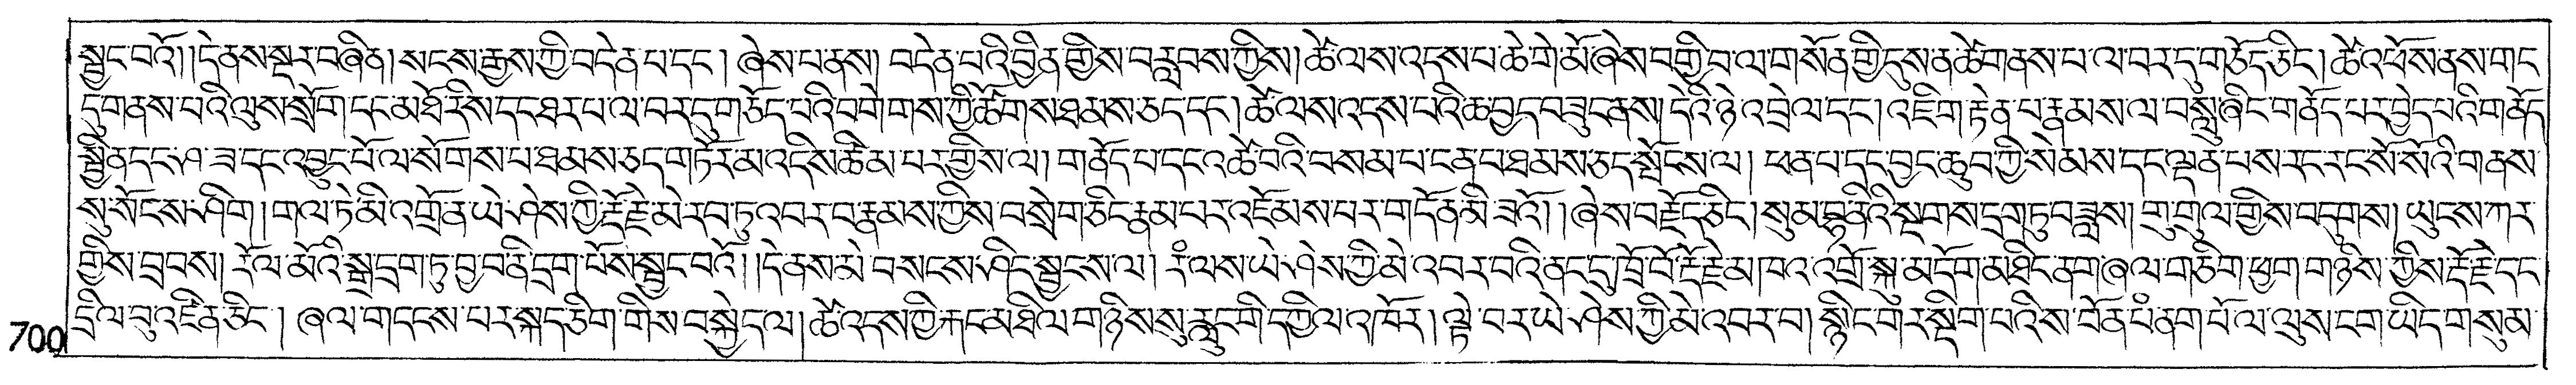སྦྱང་བའོ། །དེ་ནས་སྔར་བཞིན། སངས་རྒྱས་ཀྱི་བདེན་པ་དང་། ཞེས་པ་ནས། བདེན་པའི་བྱིན་གྱིས་བརླབས་ཀྱིས། ཚེ་ལས་འདས་པ་ཆེ་གེ་མོ་ཞེས་བགྱི་བ་ལ་གསོན་གྱི་དུས་ན་ཚེ་གནས་པ་ལ་བར་དུ་གཅོད་ཅིང་། ཚེ་འཕོས་ནས་གང་
དུ་གནས་པའི་ལུས་སྲོག་དང་མཐོ་རིས་དང་ཐར་པ་ལ་བར་དུ་གཅོད་པའི་བགེགས་ཀྱི་ཚོགས་ཐམས་ཅད་དང་། ཚེ་ལས་འདས་པའི་ཆ་བྱད་བཟུང་ནས། དེའི་ཉེ་འབྲེལ་དང་། འཇིག་རྟེན་པ་རྣམས་ལ་བསླུ་ཞིང་གནོད་པར་བྱེད་པའི་གནོད་
སྦྱིན་དང་ཤ་ཟ་དང་འབྱུང་པོ་ལ་སོགས་པ་ཐམས་ཅད་གཏོར་མ་འདིས་ཚིམ་པར་གྱིས་ལ། གནོད་པ་དང་འཚེ་བའི་བསམ་པ་ངན་པ་ཐམས་ཅད་སྤོངས་ལ། ཕན་པ་དང་བྱང་ཆུབ་ཀྱི་སེམས་དང་ལྡན་པས་རང་རང་སོ་སོའི་གནས་
སུ་སོངས་ཤིག །གལ་ཏེ་མི་འགྲོ་ན་ཡེ་ཤེས་ཀྱི་རྡོ་རྗེ་མེ་རབ་ཏུ་འབར་བ་རྣམས་ཀྱིས་བསྲེག་ཅིང་རྣམ་པར་འཇོམས་པར་གདོན་མི་ཟའོ། །ཞེས་བརྗོད་ཅིང་། སུམ་བྷ་ནིའི་སྔགས་དྲག་ཏུ་བཟླས། གུ་གུལ་གྱིས་བདུགས། ཡུངས་ཀར་
གྱིས་བྲབས། རོལ་མོའི་སྒྲ་དྲག་ཏུ་བྱ་བ་ནི་དྲག་པོས་སྦྱང་བའོ། །དེ་ནས་མེ་བསངས་ཤིང་སྦྱངས་ལ། རཾ་ལས་ཡེ་ཤེས་ཀྱི་མེ་འབར་བའི་ནང་དུ་ཁྲོ་བོ་རྡོ་རྗེ་མཁའ་འགྲོ་སྐུ་མདོག་མཐིང་ནག་ཞལ་གཅིག་ཕྱག་གཉིས་ཀྱིས་རྡོ་རྗེ་དང་
དྲིལ་བུ་འཛིན་ཅིང་། ཞལ་གདངས་པར་སྐད་ཅིག་གིས་བསྐྱེད་ལ། ཚེ་འདས་ཀྱི་རྐང་མཐིལ་གཉིས་སུ་རླུང་གི་དཀྱིལ་འཁོར། ལྟེ་བར་ཡེ་ཤེས་ཀྱི་མེ་འབར་བ། སྙིང་གར་སྡིག་པའི་ས་བོན་པཾ་ནག་པོ་ལ་ལུས་ངག་ཡིད་གསུམ་